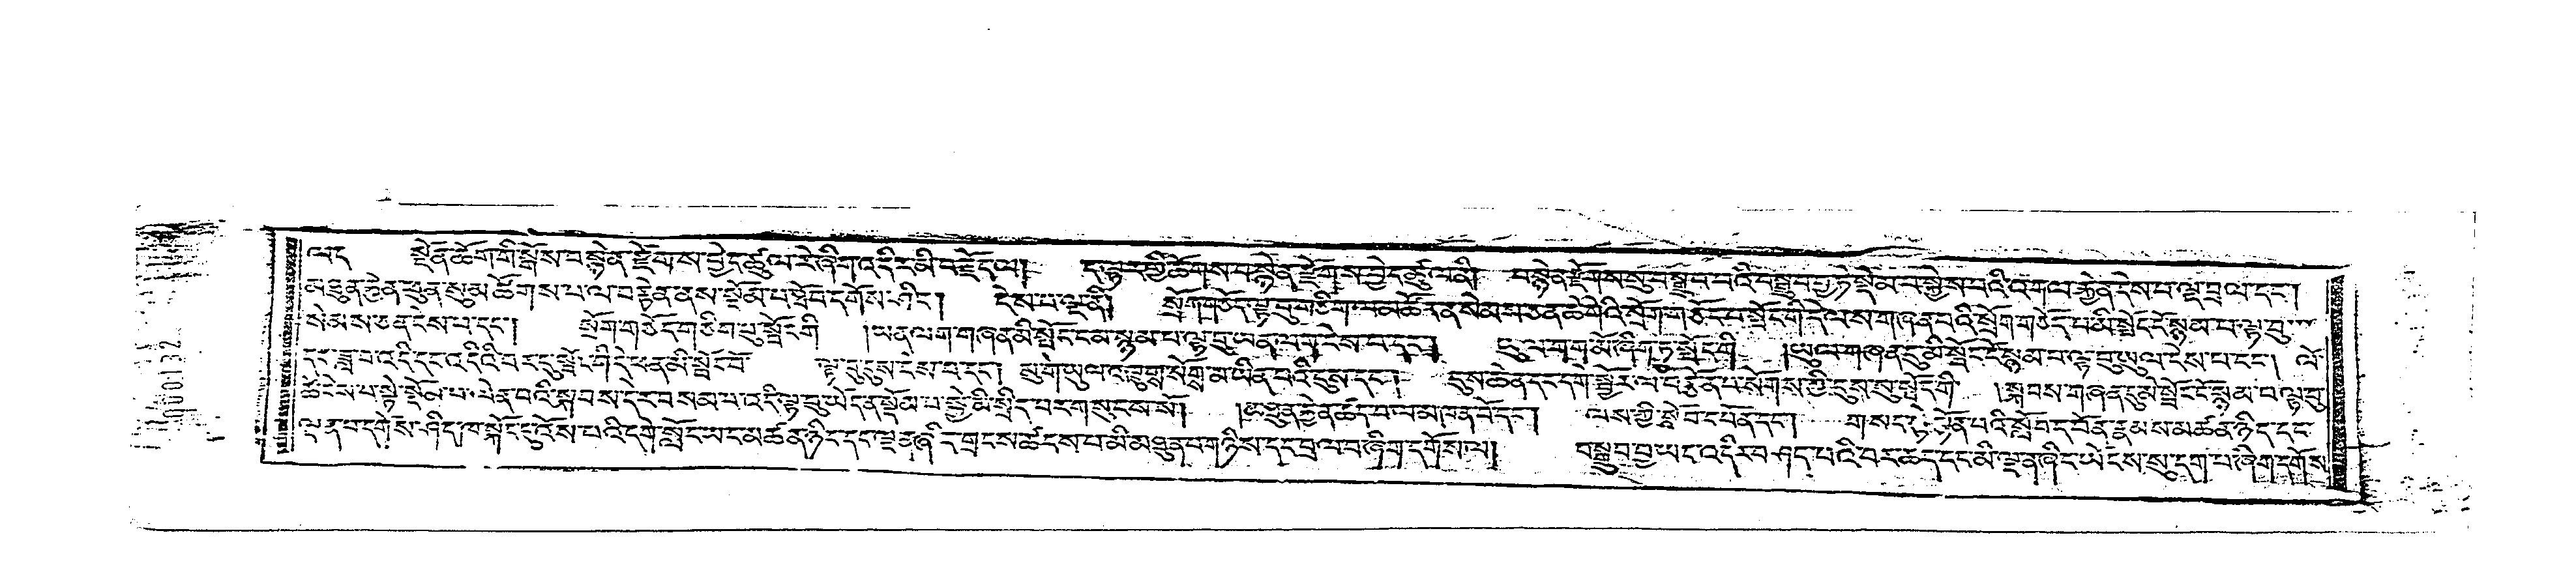ལ། སྔོན་ཆོག་གི་སྒོས་བསྙེན་རྫོགས་བྱེད་ཚུལ་རེ་ཞིག་འདིར་མི་བརྗོད་ལ། ད་ལྟར་གྱི་ཆོ་གས་བསྙེན་རྫོགས་བྱེད་ཚུལ་ནི། བསྙེན་རྫོགས་སུ་བསྒྲུབ་པའི་བསྒྲུབ་བྱ་ཏེ་སྡོམ་པ་སྐྱེས་པའི་འགལ་རྐྱེན་ངེས་པ་ལྔ་བྲལ་དང་།
མཐུན་རྐྱེན་ཕུན་སུམ་ཚོགས་པ་ལ་བརྟེན་ནས་སྡོམ་པ་ཐོབ་དགོས་ཤིང་། ངེས་པ་ལྔ་ནི། སྲོག་གཅོད་ལྟ་བུ་གཅིག་ལ་མཚོན་ན་སེམས་ཅན་ཆེ་གེའི་སྲོག་གཅོད་པ་སྤོང་གི་དེ་ལས་གཞན་པའི་སྲོག་གཅོད་པ་མི་སྤོང་ངོ་སྙམ་པ་ལྟ་བུ་
སེམས་ཅན་ངེས་པ་དང་། སྲོག་གཅོད་གཅིག་པུ་སྤོང་གི །ཡན་ལག་གཞན་མི་སྤོང་ངམ་སྙམ་པ་ལྟ་བུ་ཡན་ལག་ངེས་པ་དང་། ཡུལ་ག་ག་མོ་ཞིག་ཏུ་སྤོང་གི །ཡུལ་གཞན་དུ་མི་སྤོང་ངོ་སྙམ་པ་ལྟ་བུ་ཡུལ་ངེས་པ་དང་། ལོ་
དང་ཟླ་བ་འདི་དང་འདིའི་བར་དུ་སྤོང་གི་དེ་ཕན་མི་སྤོང་བོ་ལྟ་བུ་དུས་ངེས་པ་དང་། མུ་གེ་ཡུལ་འཁྲུགས་སོགས་མ་ཡིན་པའི་དུས་དང་། དུས་ཆེན་དང་དགེ་སྦྱོར་ལ་བརྩོན་པ་སོགས་ཀྱི་དུས་སུ་སྤོང་གི །སྐབས་གཞན་དུ་མི་སྤོང་ངོ་སྙམ་པ་ལྟ་བུ་
ཚེ་ངེས་པ་སྟེ་སྡོམ་པ་ལེན་པའི་སྐབས་དེར་བསམ་པ་འདི་ལྟ་བུ་ཡོད་ན་སྡོམ་པ་སྐྱེ་མི་སྲིད་པར་གསུངས་སོ། །མཐུན་རྐྱེན་ཚད་བ་ལ་མཁན་པོ་དང་། ལས་ཀྱི་སློབ་དཔོན་དང་། གསང་སྟེ་སྟོན་པའི་སློབ་དཔོན་རྣམས་མཚན་ཉིད་དང་
ལྡན་པ་དགོས་ཤིང་ཁ་སྐོང་དུ་འོས་པའི་དགེ་སློང་ཡང་མཚན་ཉིད་དང་ལྡན་ཞིང་གྲངས་ཚངས་པ་མི་མཐུན་པ་གཉིས་དང་བྲལ་བ་ཞིག་དགོས་ལ། བསྒྲུབ་བྱ་ཡང་འདིར་བཤད་ཨཱི་བར་ཆད་དང་མི་ལྡན་ཞིང་ཡོངས་སུ་དག་པ་ཞིག་དགོས་